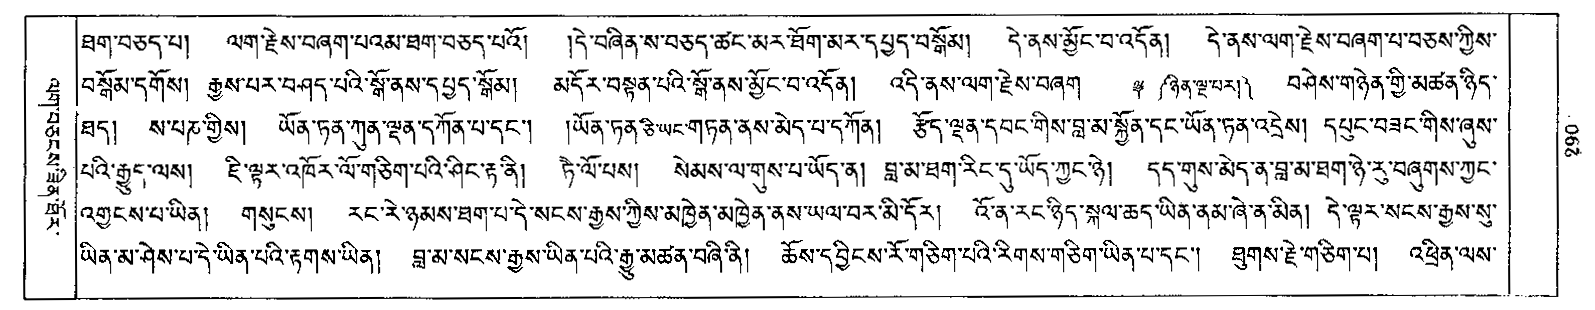ཐག་བཅད་པ། ལག་རྗེས་བཞག་པའམ་ཐག་བཅད་པའོ། །དེ་བཞིན་ས་བཅད་ཚང་མར་ཐོག་མར་དཔྱད་བསྒོམ། དེ་ནས་མྱོང་བ་འདོན། དེ་ནས་ལག་རྗེས་བཞག་པ་བཅས་ཀྱིས་
བསྒོམ་དགོས། རྒྱས་པར་བཤད་པའི་སྒོ་ནས་དཔྱད་སྒོམ། མདོར་བསྟན་པའི་སྒོ་ནས་མྱོང་བ་འདོན། འདི་ནས་ལག་རྗེས་བཞག ༈ ?ཉིན་ལྔ་པར། བཤེས་གཉེན་གྱི་མཚན་ཉིད་
ཐད། ས་པཎ་གྱིས། ཡོན་ཏན་ཀུན་ལྡན་དཀོན་པ་དང་། །ཡོན་ཏན་ཅི་ཡང་གཏན་ནས་མེད་པ་དཀོན། རྩོད་ལྡན་དབང་གིས་བླ་མ་སྐྱོན་དང་ཡོན་ཏན་འདྲེས། དཔུང་བཟང་གིས་ཞུས་
པའི་རྒྱུད་ལས། ཇི་ལྟར་འཁོར་ལོ་གཅིག་པའི་ཤིང་རྟ་ནི། ཏཻ་ལོ་པས། སེམས་ལ་གུས་པ་ཡོད་ན། བླ་མ་ཐག་རིང་དུ་ཡོད་ཀྱང་ཉེ། དད་གུས་མེད་ན་བླ་མ་ཐག་ཉེ་རུ་བཞུགས་ཀྱང་
འགྱངས་པ་ཡིན། གསུངས། རང་རེ་ཉམས་ཐག་པ་དེ་སངས་རྒྱས་ཀྱིས་མཁྱེན་མཁྱེན་ནས་ཡལ་བར་མི་དོར། འོ་ན་རང་ཉིད་སྐལ་ཆད་ཡིན་ནམ་ཞེ་ན་མིན། དེ་ལྟར་སངས་རྒྱས་སུ་
ཡིན་མ་ཤེས་པ་དེ་ཡིན་པའི་རྟགས་ཡིན། བླ་མ་སངས་རྒྱས་ཡིན་པའི་རྒྱུ་མཚན་བཞི་ནི། ཆོས་དབྱིངས་རོ་གཅིག་པའི་རིགས་གཅིག་ཡིན་པ་དང་། ཐུགས་རྗེ་གཅིག་པ། འཕྲིན་ལས་